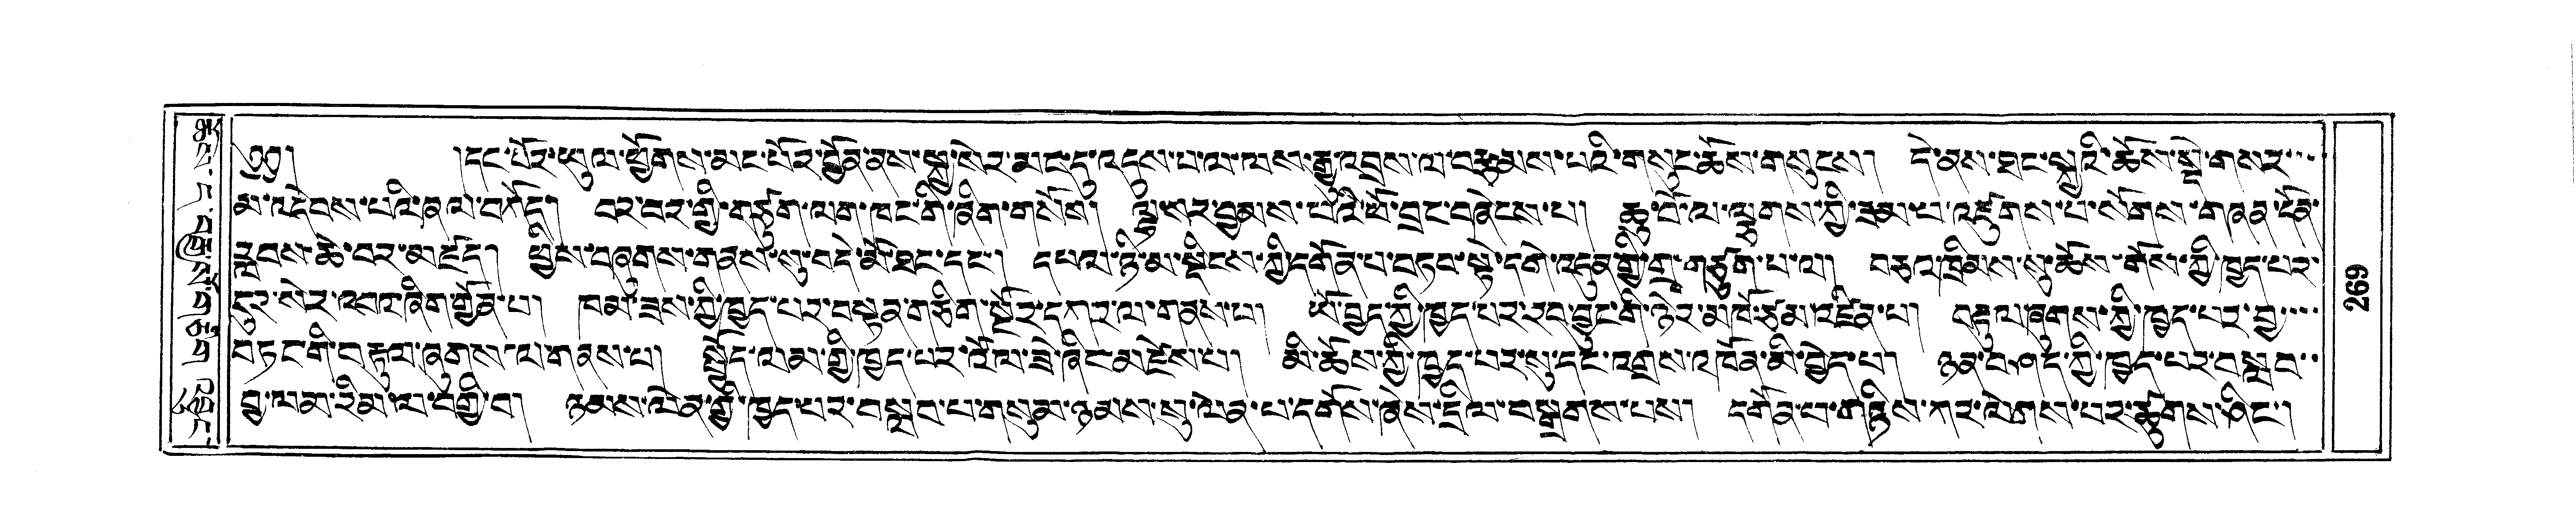༄༅། །དང་པོར་ཡུལ་ཕྱོགས་མང་པོར་བྱོན་ནས་སྐྱ་སེར་མང་དུ་འདུས་པ་ལ་ལས་རྒྱུ་འབྲས་ལ་བརྩམས་པའི་གསུང་ཆོས་གསུངས། དེ་ནས་ཐང་སྐྱའི་ཆོས་སྡེ་གསར་
མ་འདེབས་པའི་ཞལ་བཀོད། བར་བར་གྱི་གཙུག་ལག་ཁང་གི་ཞིག་གསོས། ལྷ་སར་བྱམས་པའི་ཕོ་བྲང་བཞེངས་པ། ཆུ་བོ་ལ་ལྕགས་ཀྱི་ཟམ་པ་འཛུགས་པ་སོགས་གཞན་དོན་
རླབས་ཆེ་བར་མཛད། ཕྱིས་བཞུགས་གནས་སུ་བདེ་མོ་ཐང་དང་། དཔལ་ཉི་མ་སྡིངས་ཀྱི་དགོན་པ་བཏབ་སྟེ་དགེ་འདུན་གྱི་གྲྭ་གཙུག་པ་ལ། བཅའ་ཁྲིམས་སུ་ཆོས་གོས་ཀྱི་ཁྱད་པར་
དུར་སེར་འབའ་ཞིག་གྱོན་པ། ཁམ་ཟས་ཀྱི་ཁྱད་པར་བསྟན་གཅིག་སྔོར་དཀར་ལ་གནས་པ། ཡོ་བྱད་ཀྱི་ཁྱད་པར་རབ་བྱུང་གི་ཉེར་མཁོ་ཙམ་འཛིན་པ། བརྟུལ་ཞུགས་ཀྱི་ཁྱད་པར་བྱ་
བཏང་གི་བརྟུལ་ཞུགས་ལ་གནས་པ། སྤྱོད་ལམ་གྱི་ཁྱད་པར་འོ་ལ་ཟེ་ཞིང་མཛེས་པ། མི་ཆོས་ཀྱི་ཁྱད་པར་སུ་དང་འགྲས་འཁོན་མི་བྱེད་པ། ཉན་བཤད་ཀྱི་ཁྱད་པར་བསླབ་
བྱ་ལམ་རིམ་ལ་བགྱི་བ། ཉམས་ལེན་གྱི་ཁྱད་པར་བསླབ་པ་གསུམ་ཉམས་སུ་ལེན་པ་དགོས་ཞེས་དྲིལ་བསྒྲགས་པས། དགོན་པ་གཉིས་ཀར་ལེགས་པར་ཚུགས་ཤིང་།